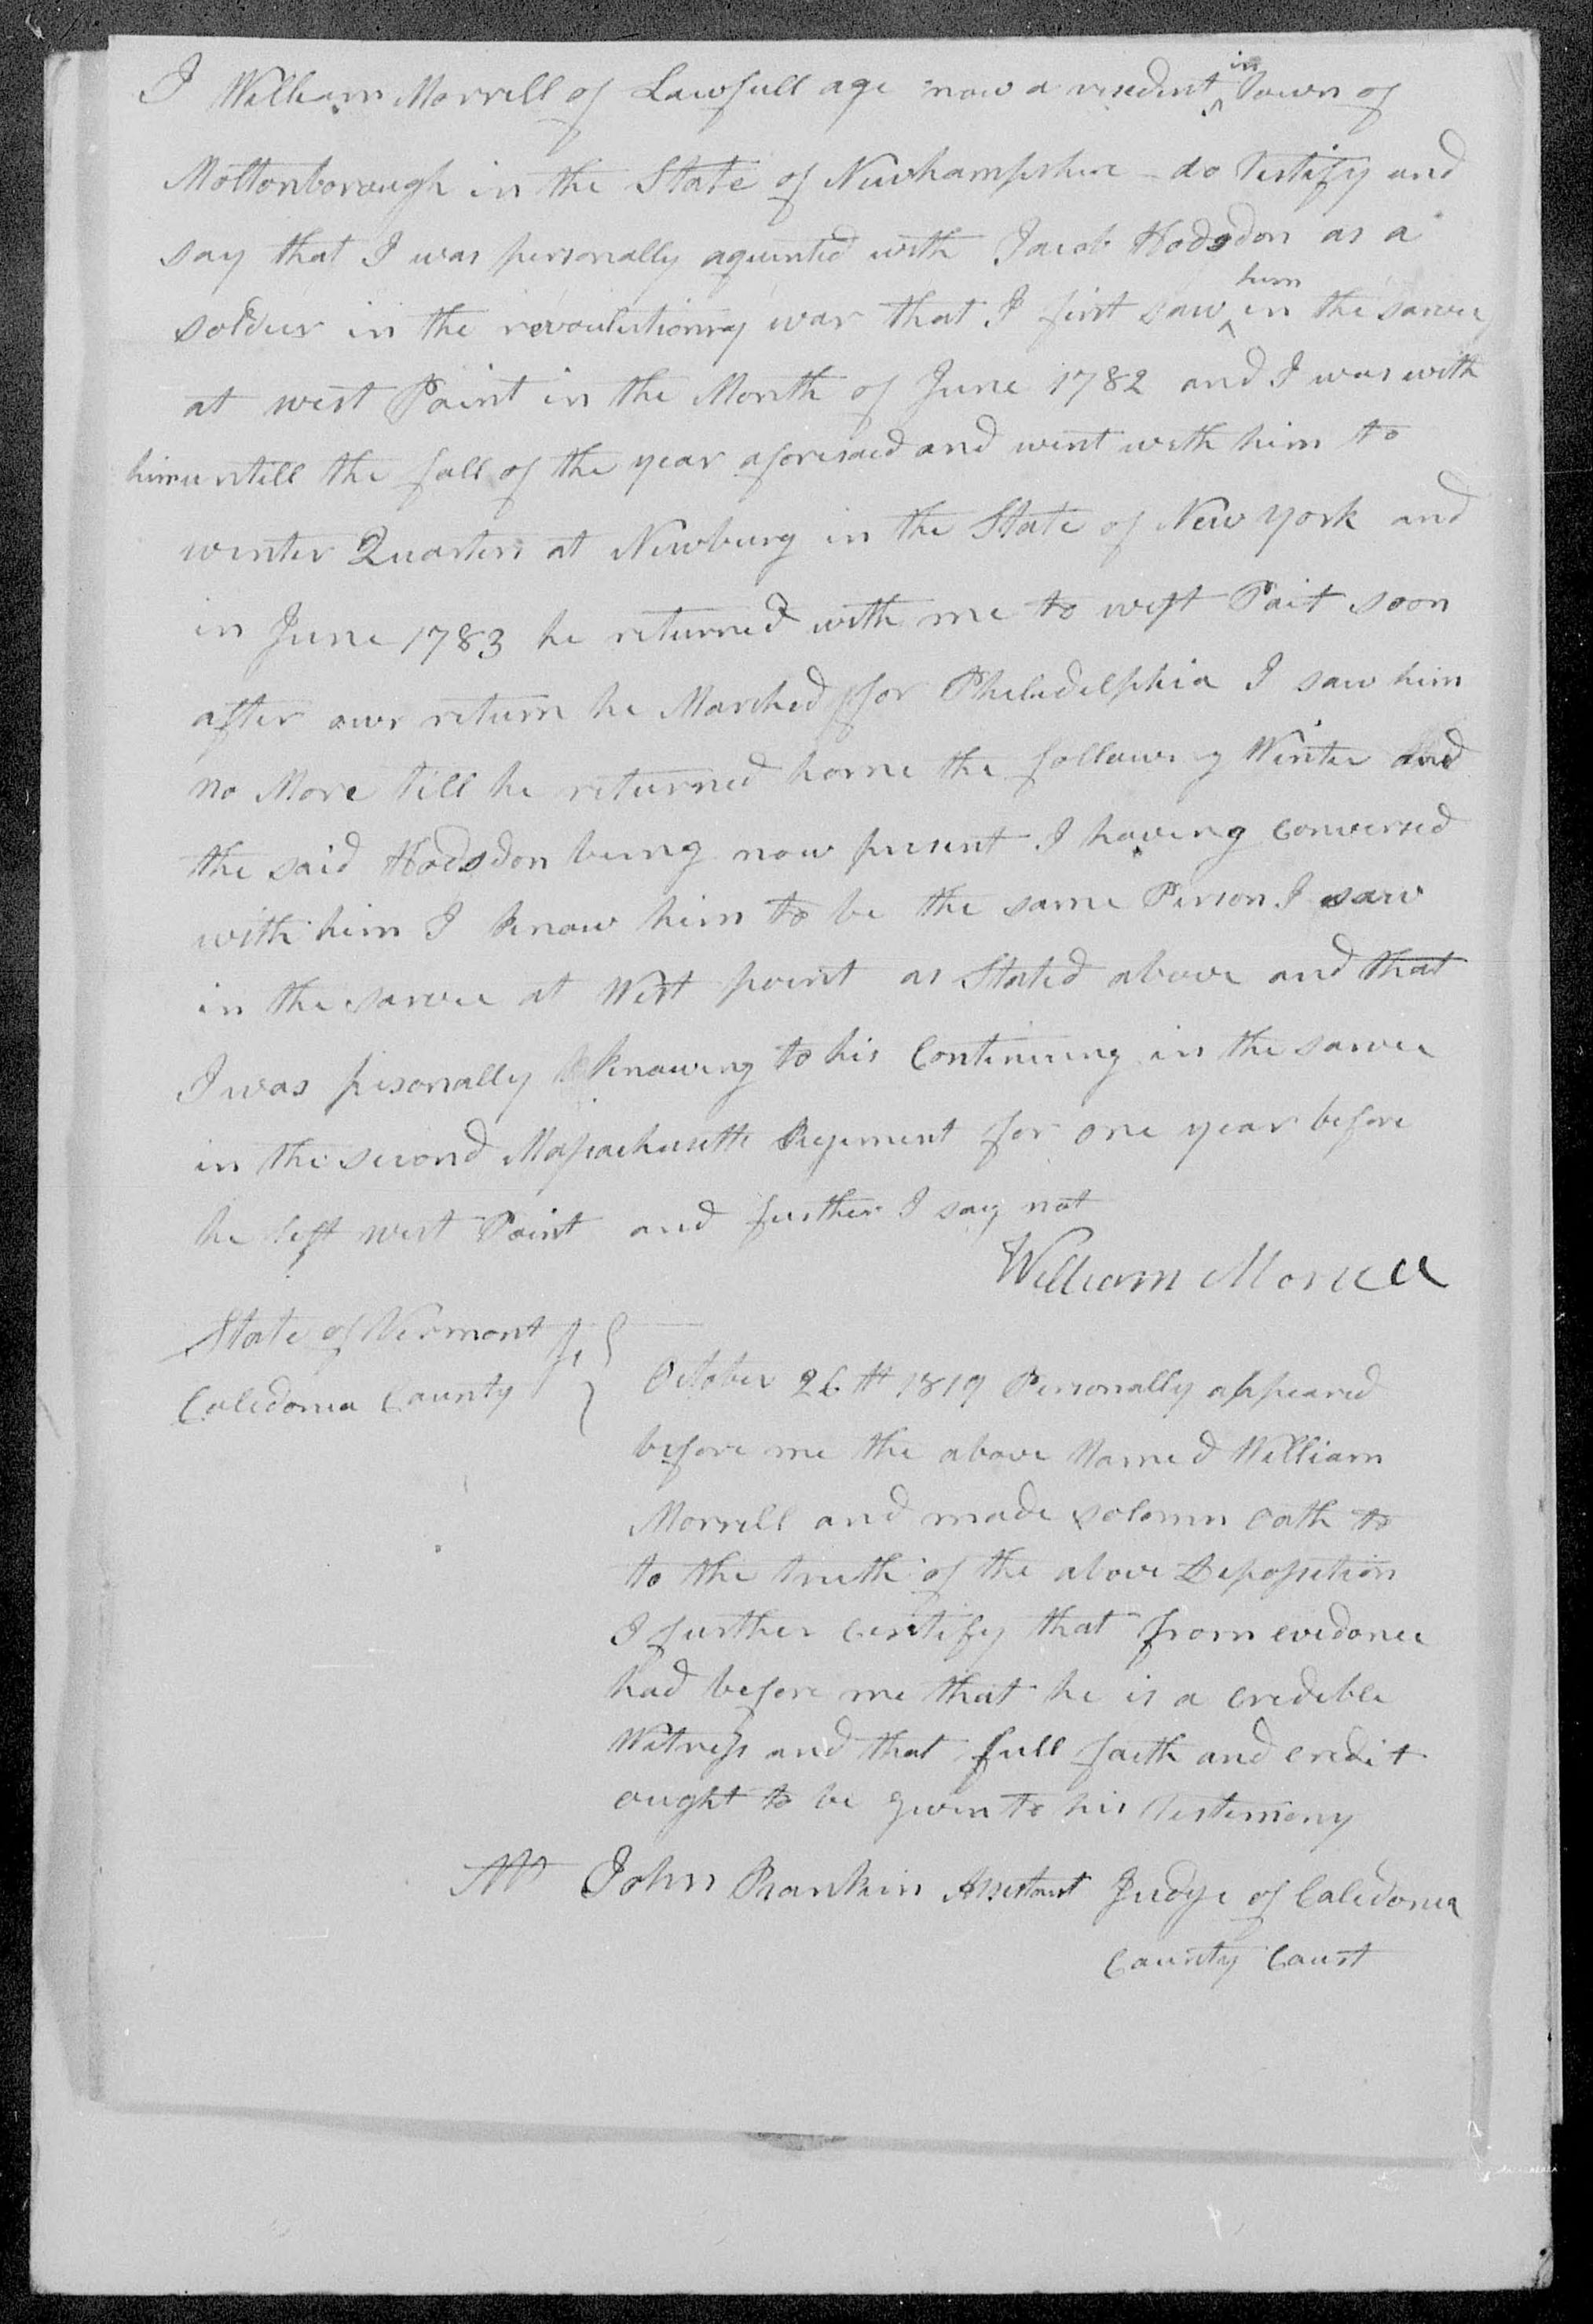I William Morrell Lawfull age now a resident in tow of Moltonborough in the State of Newhampshire do testify and say that I was personally aquainted with Jacob Hodsdon as a soldier in the revolutionary war that I first saw him in the service at West Point in the Month of June 1782 and was with him untill the fall of the year aforesaid and I went with him to winter Quarters at Newburg in the state of New York and in June 1783 he returned with me to West Point soon after our return he marched for Philadelphia I saw him no more till he returned home the following Winter and the said Hodsdon being now present I having conversed with him I know him to be the same person I saw in the service at West Point as stated above and that I was personally knowing to his continuing in the service in the second Massachusetts Regiment for one year before he left West Point and further I say not.

Signature of William Morrell

State of Vermont
Caledonia Country ss. 
October 26th 1819 Personally appeared before me the above named William Morrell and made solemn oath to the truth of the above Deposition  I further certify that from evidence had before me that his is a credible witness and that full faith and credit ought to be given to his testimony.

John Rankin Assistant Judge of Caledonia County Court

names: William Morrell, Jacob Hodsdon, John Rankin, William Morrell, William Morrell, Hodsdon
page: 14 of 22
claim: survivor's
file: S 44445, Jacob Hodsdon, Mass.